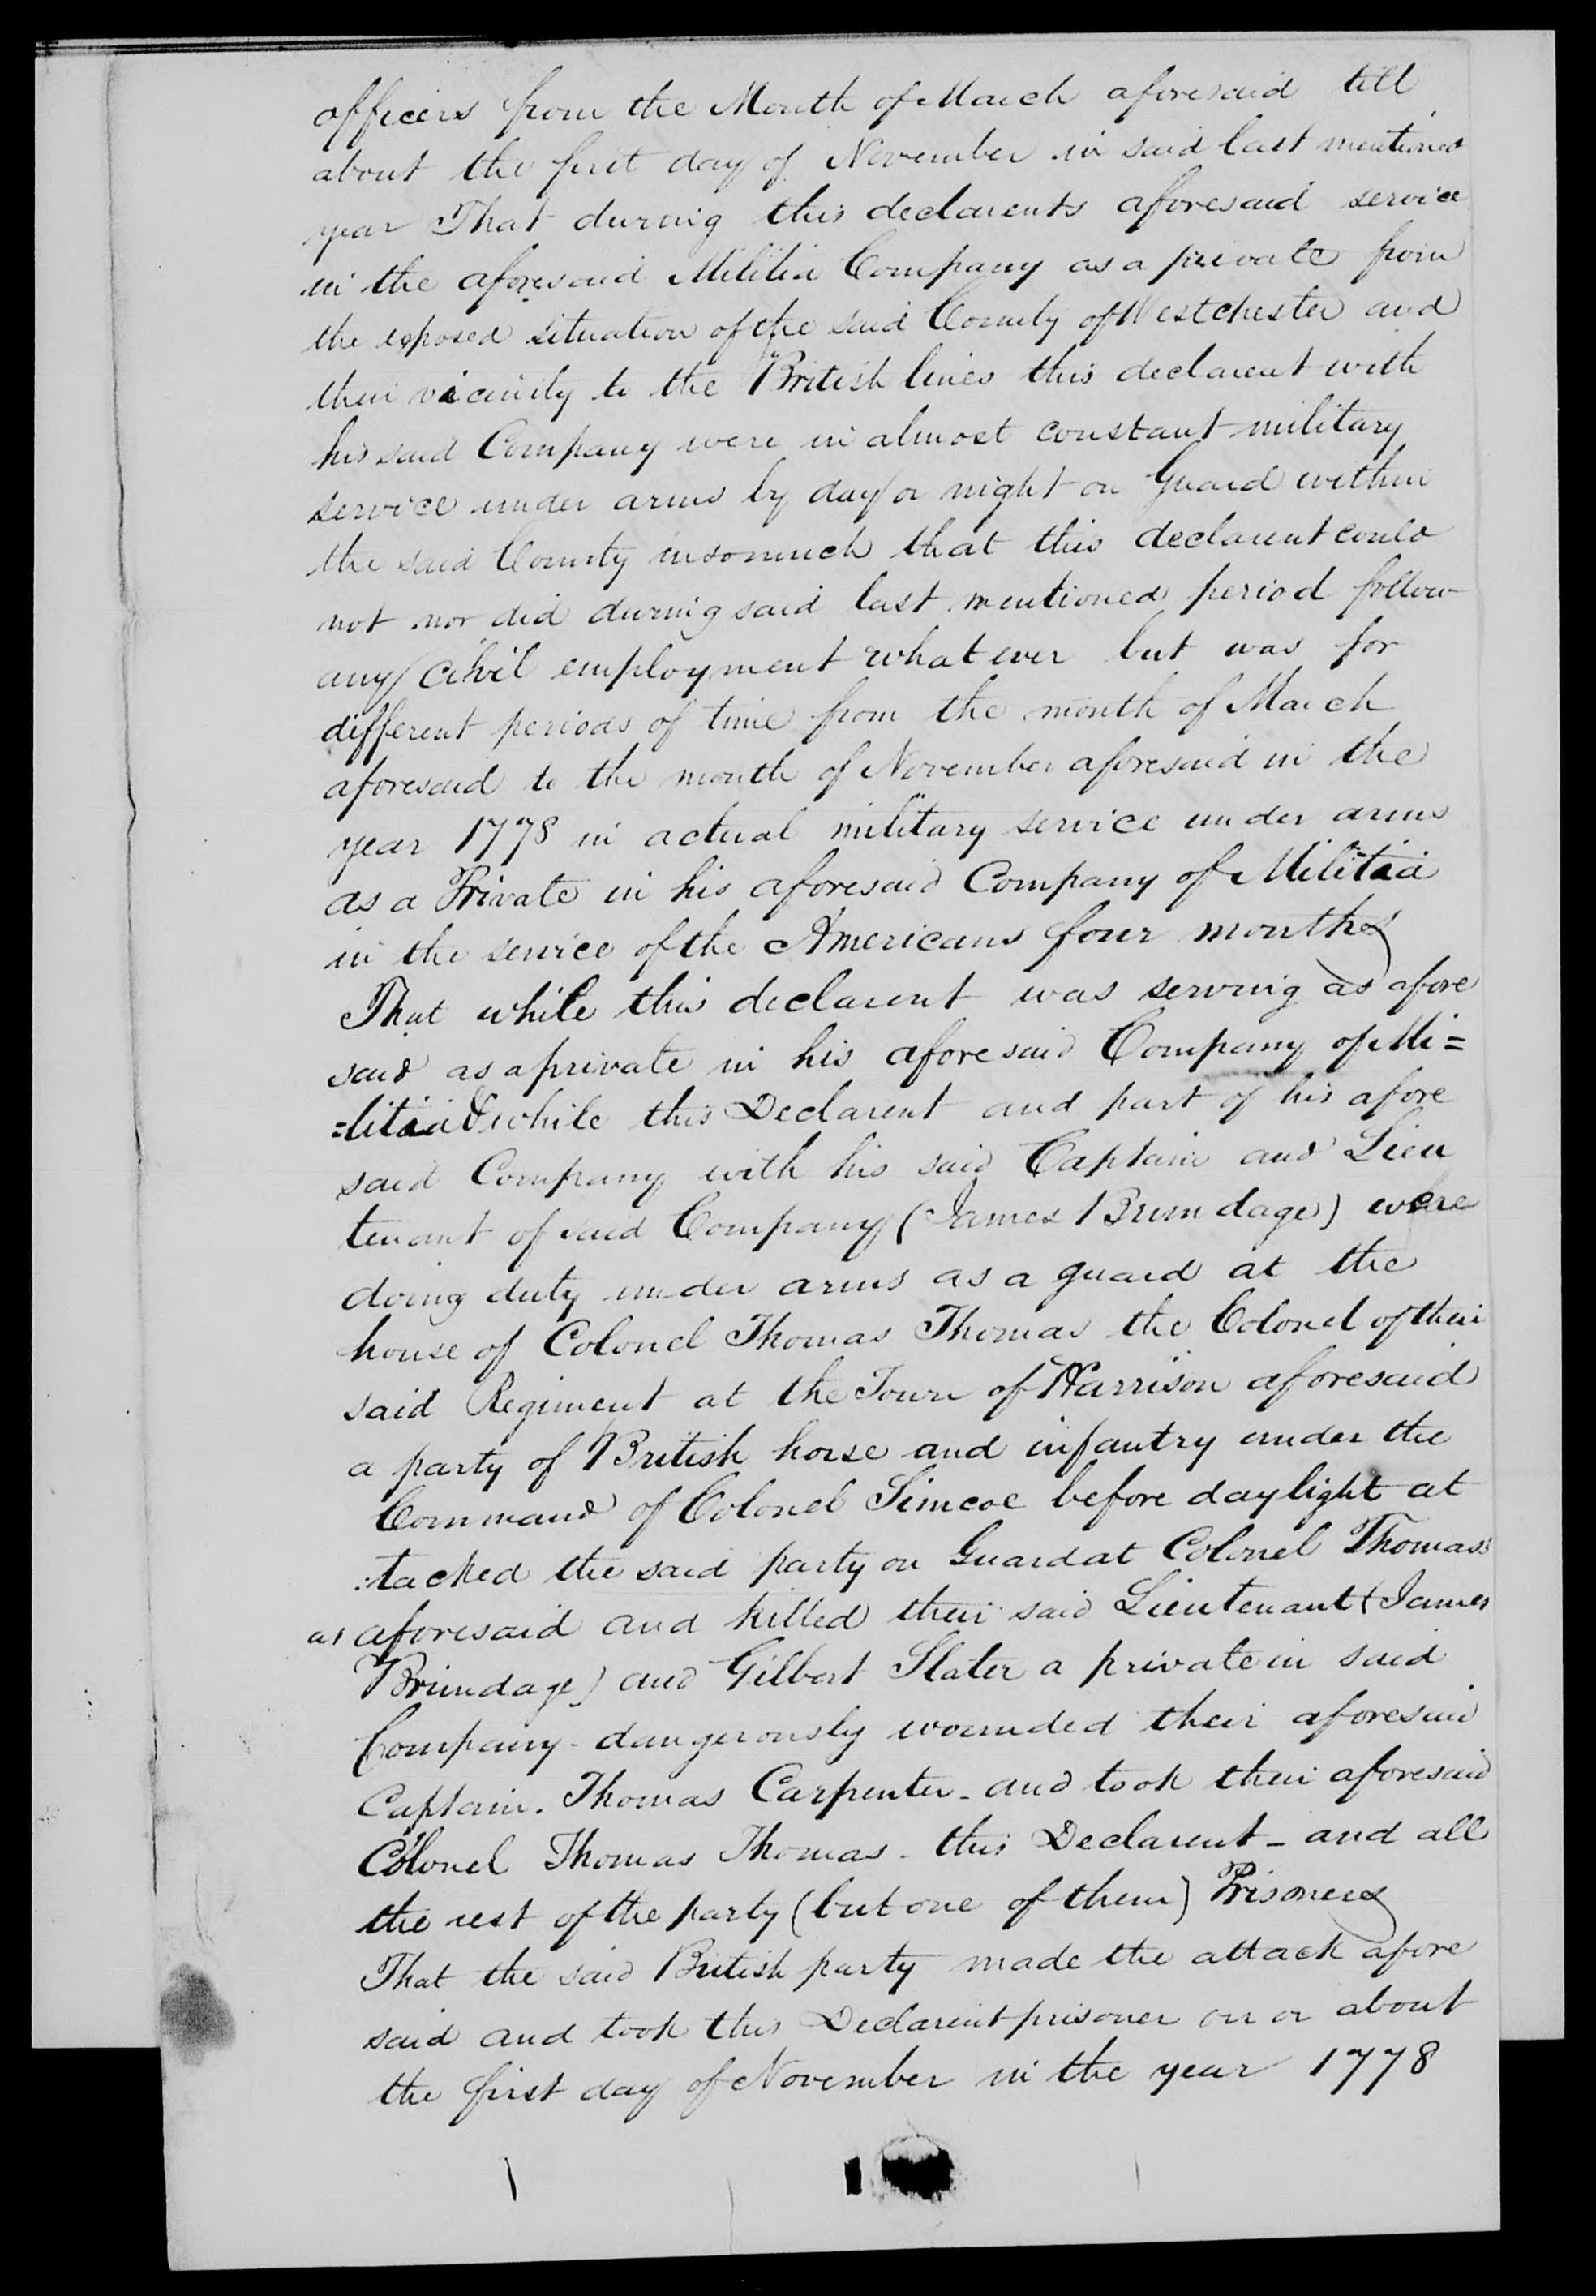officers from the Month of March aforesaid till about the first day of November in said last mentioned year That during this declarents aforesaid service in the aforesaid Militia Company as a private from the exposed situation of the said County of Westchester and their vicinity to the British lines this declarent with his said Company were in almost constant military service under arms by day or night on Guard within the said County insomuch that this declarant could not nor did during said last mentioned period follow any civil employment whatever but was for different periods of time from the month of March aforesaid to the month of November aforesaid in the year 1778 in actual military service under arms as a Private in his aforesaid Company of Militia in the service of the Americans four months 
That while this declarant was serving as aforesaid as a private in his aforesaid Company of Militia & while this Declarent and part of his aforesaid Company with his said Captain and Lieutenant of said Company (James Brundage) were doing duty under arms as a guard at the house of Colonel Thomas Thomas the Colonel of their said Regiment at the Town of Harrison aforesaid a party of British horse and infantry under the Command of Colonel Simcoe before daylight attacked the said party on Guard at Colonel Thomas's as aforesaid and killed their said Lieutenant (James Brundage) and Gilbert Slater a private in said Company dangerously wounded their aforesaid Captain Thomas Carpenter, and took their aforesaid Colonel Thomas Thomas - this Declarant - and all the rest of the party (but one of them) Prisoners 
That the said British party made the attack aforesaid and took this Declarant prisoner on or about the first day of November in the year 1778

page: 5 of 33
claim: rejected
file: R. 7,063, for Elisha B Maynard, New York